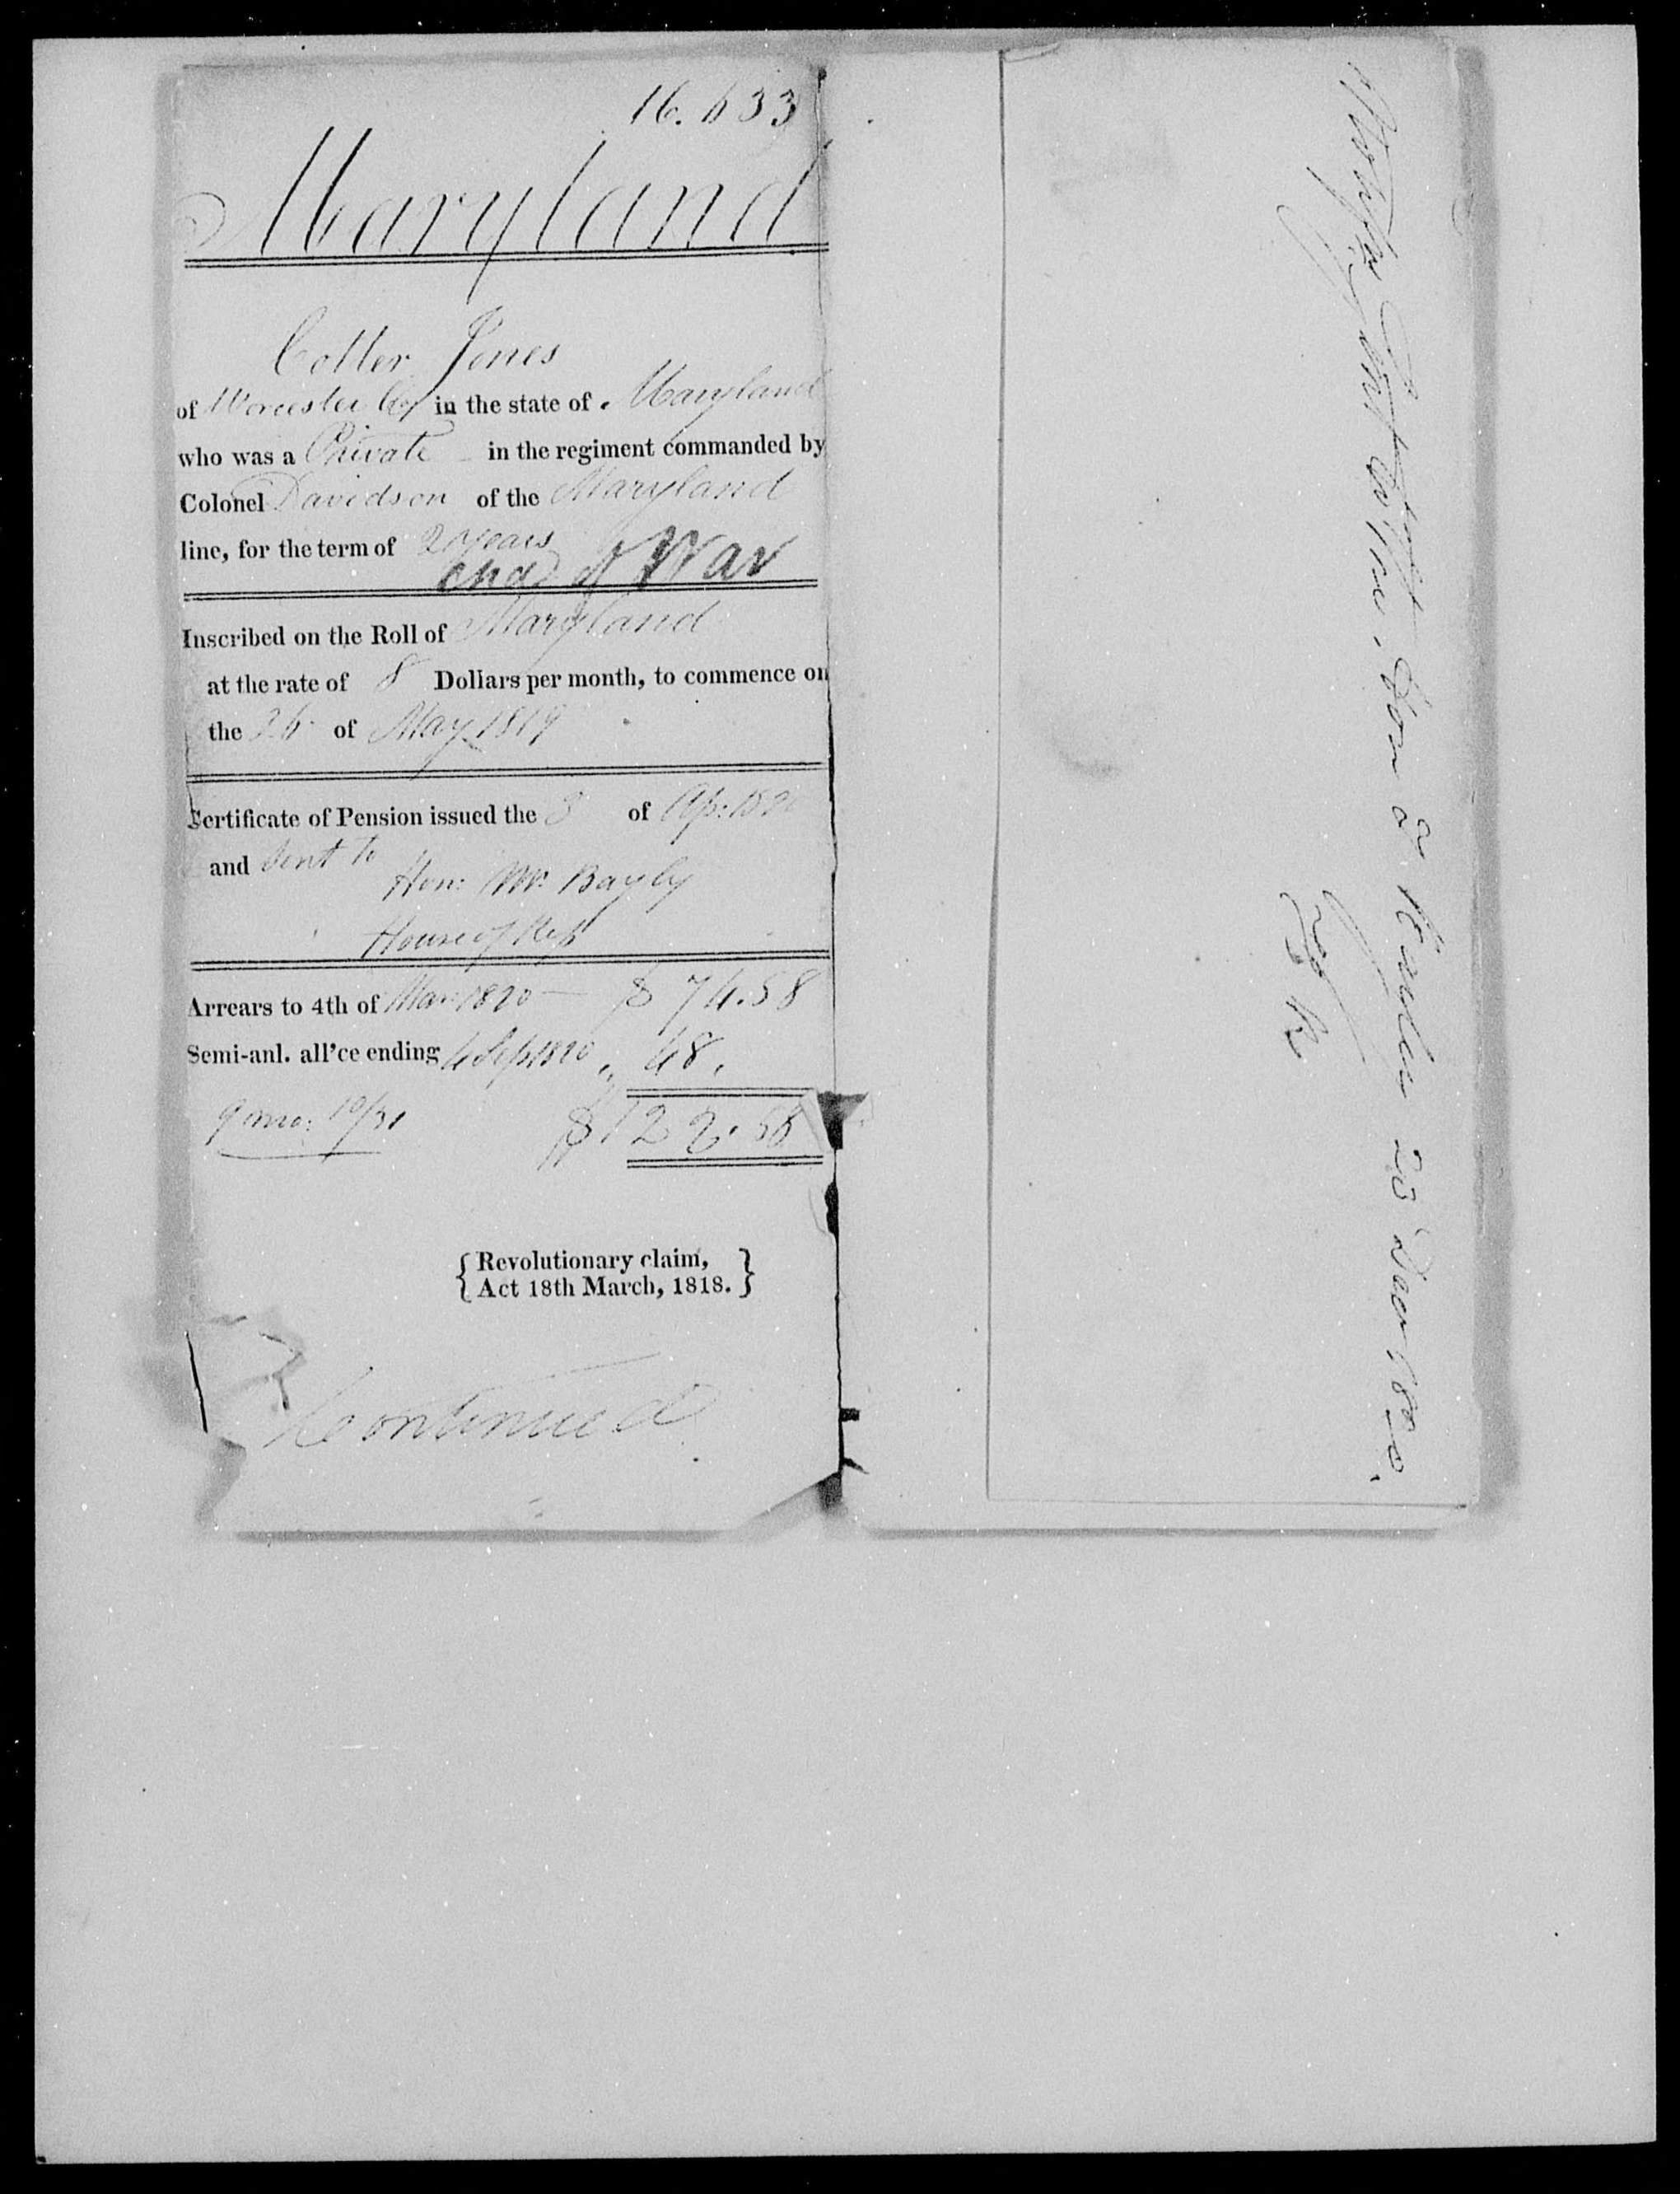Left Side Page

16633
Maryland
Cotter Jones
of Worcester Co in the state of Maryland
who was a Private in the regiment commanded by Colonel Davidson of the Maryland line for the term of 2 years 
end of war

Inscribed on the roll of Maryland at the rate of 8 dollars per month to commence on the 26 of May 1819

Certificate of Pension issued the 3 of April 1820 and sent to Hon. Mr. Bayly House of Reps

Arrears to 4th of Mar 1820 $74.58
Semi-anl. all'ce ending 4 Sept 1820 $48.00
$122.58

9 Mo 10/31

{Revolutionary Claim Act 18th March 1818}

Continued

Right Side Page

notification sent to the Hon T Bayley 23 Dec 1820 [illegible]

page: 2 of 15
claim: survivor's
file: S. 34946, for Cotter Jones, Maryland